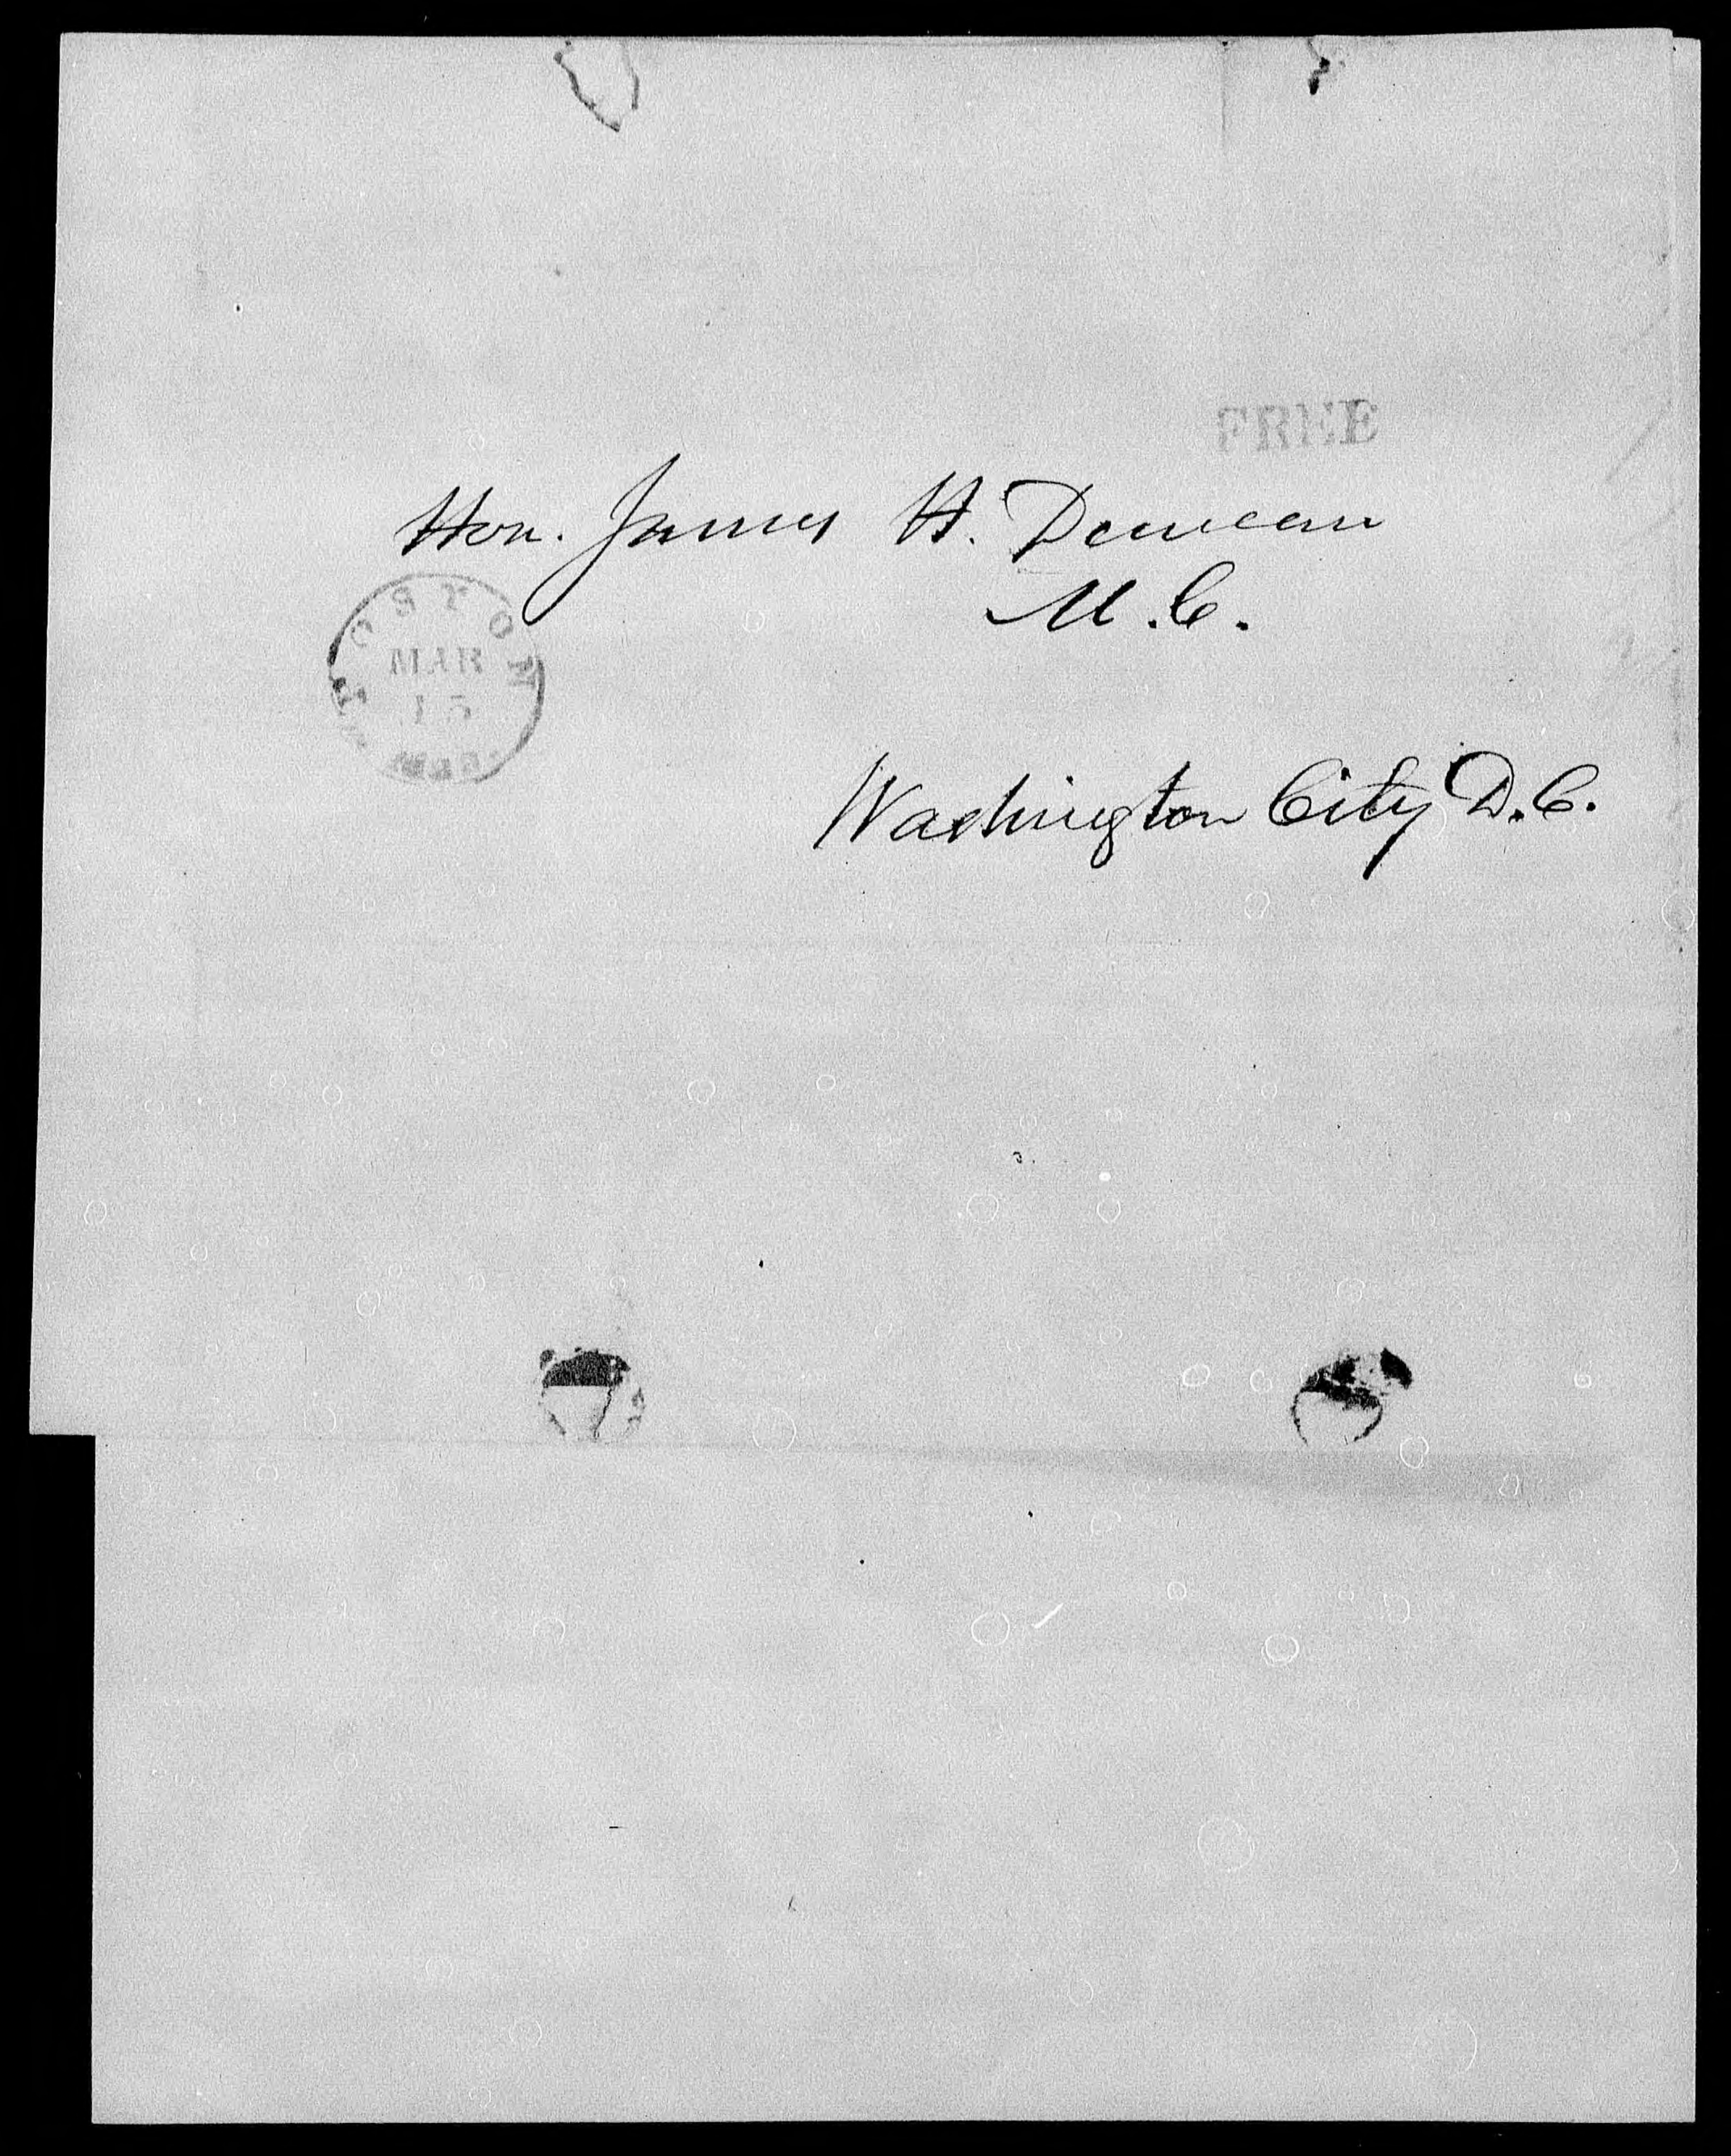Stamp:  FREE
Hon. James H. Duncan 
M. C.
Stamp:  Boston MAR 15 [Illegible]
Washington City D.C.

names: James H Duncan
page: 26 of 29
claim: widow's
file: W. 1779, for Richard Kimball, Massachusetts